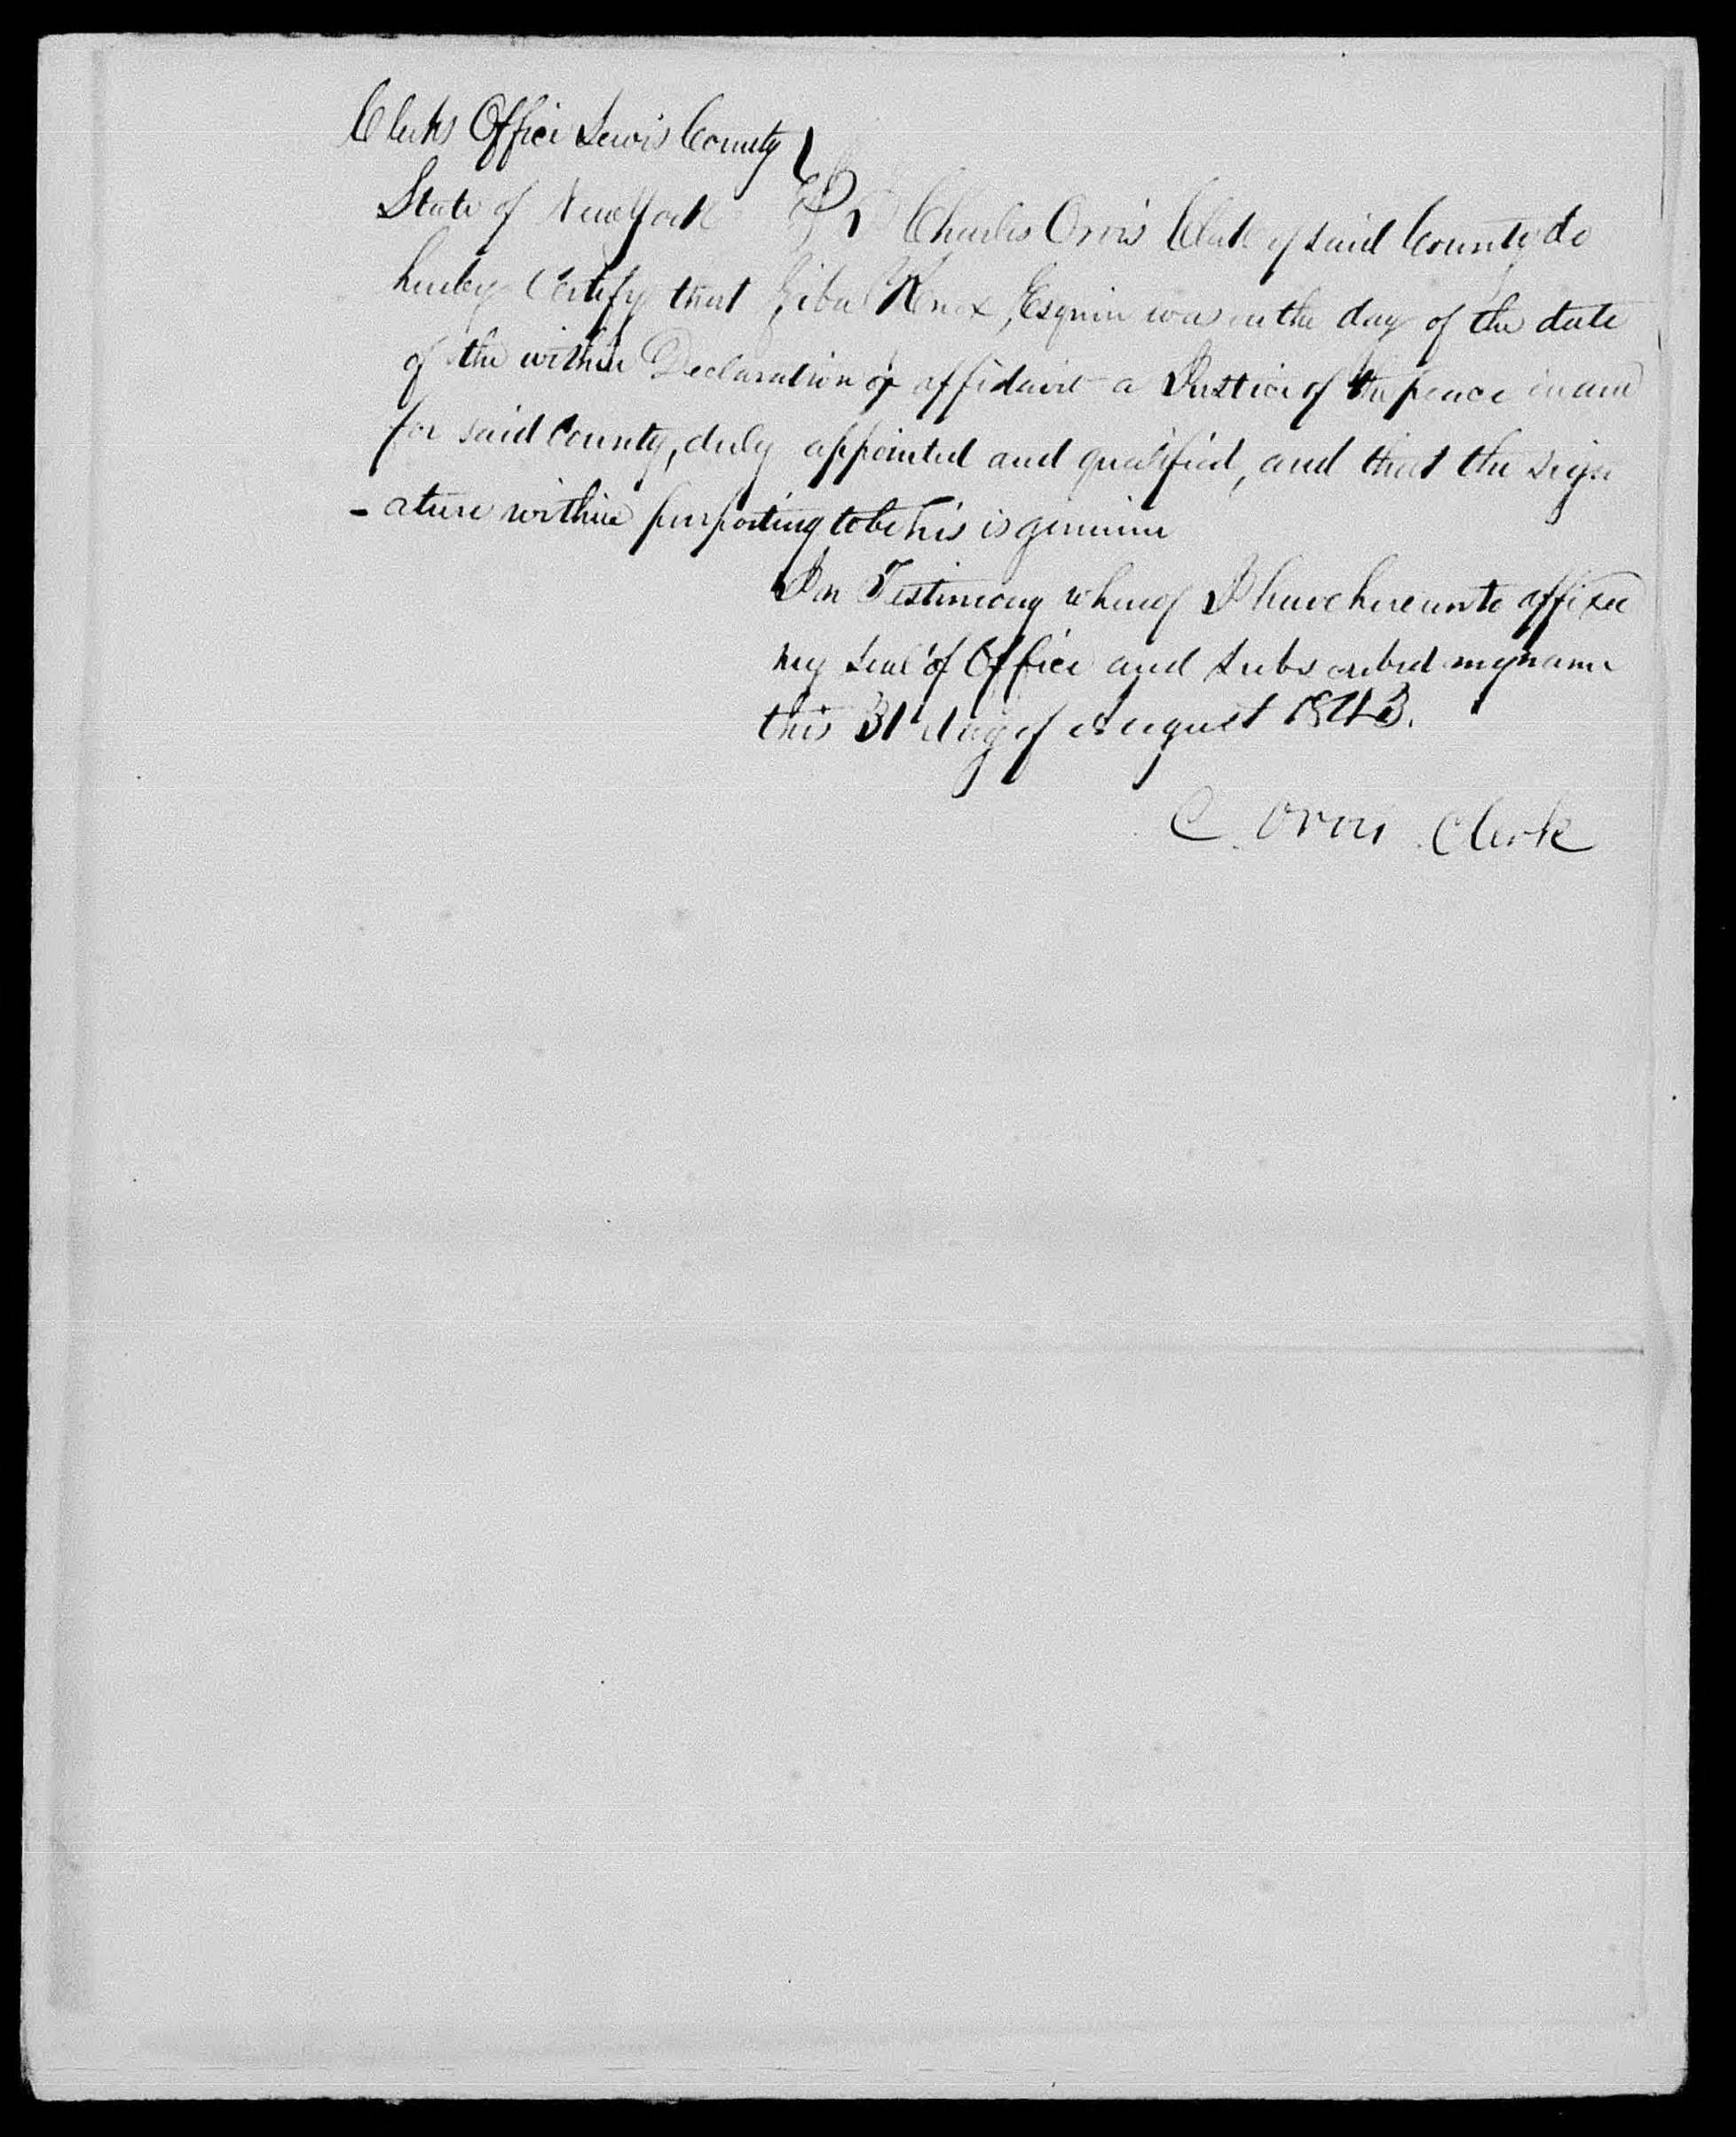Clerks Office Lewis County
State of New York 
I Charles Orvis Clerk of said County do hereby certify that Ziba Knox, Esquire was on the day of the date of the within Declaration of affidavit a Justice of the Peace in and for said County, duly appointed and qualified, and that the signature within purporting to be his is genuine.
In Testimony whereof I have hereunto affixed my Seal of Office and Subscribed my name this 31 day of August 1843.
C. Orvis Clerk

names: Ziba Knox, C Orvis, Charles Orvis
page: 46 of 46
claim: widow's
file: W. 23022, Thomas Farr, N.H.